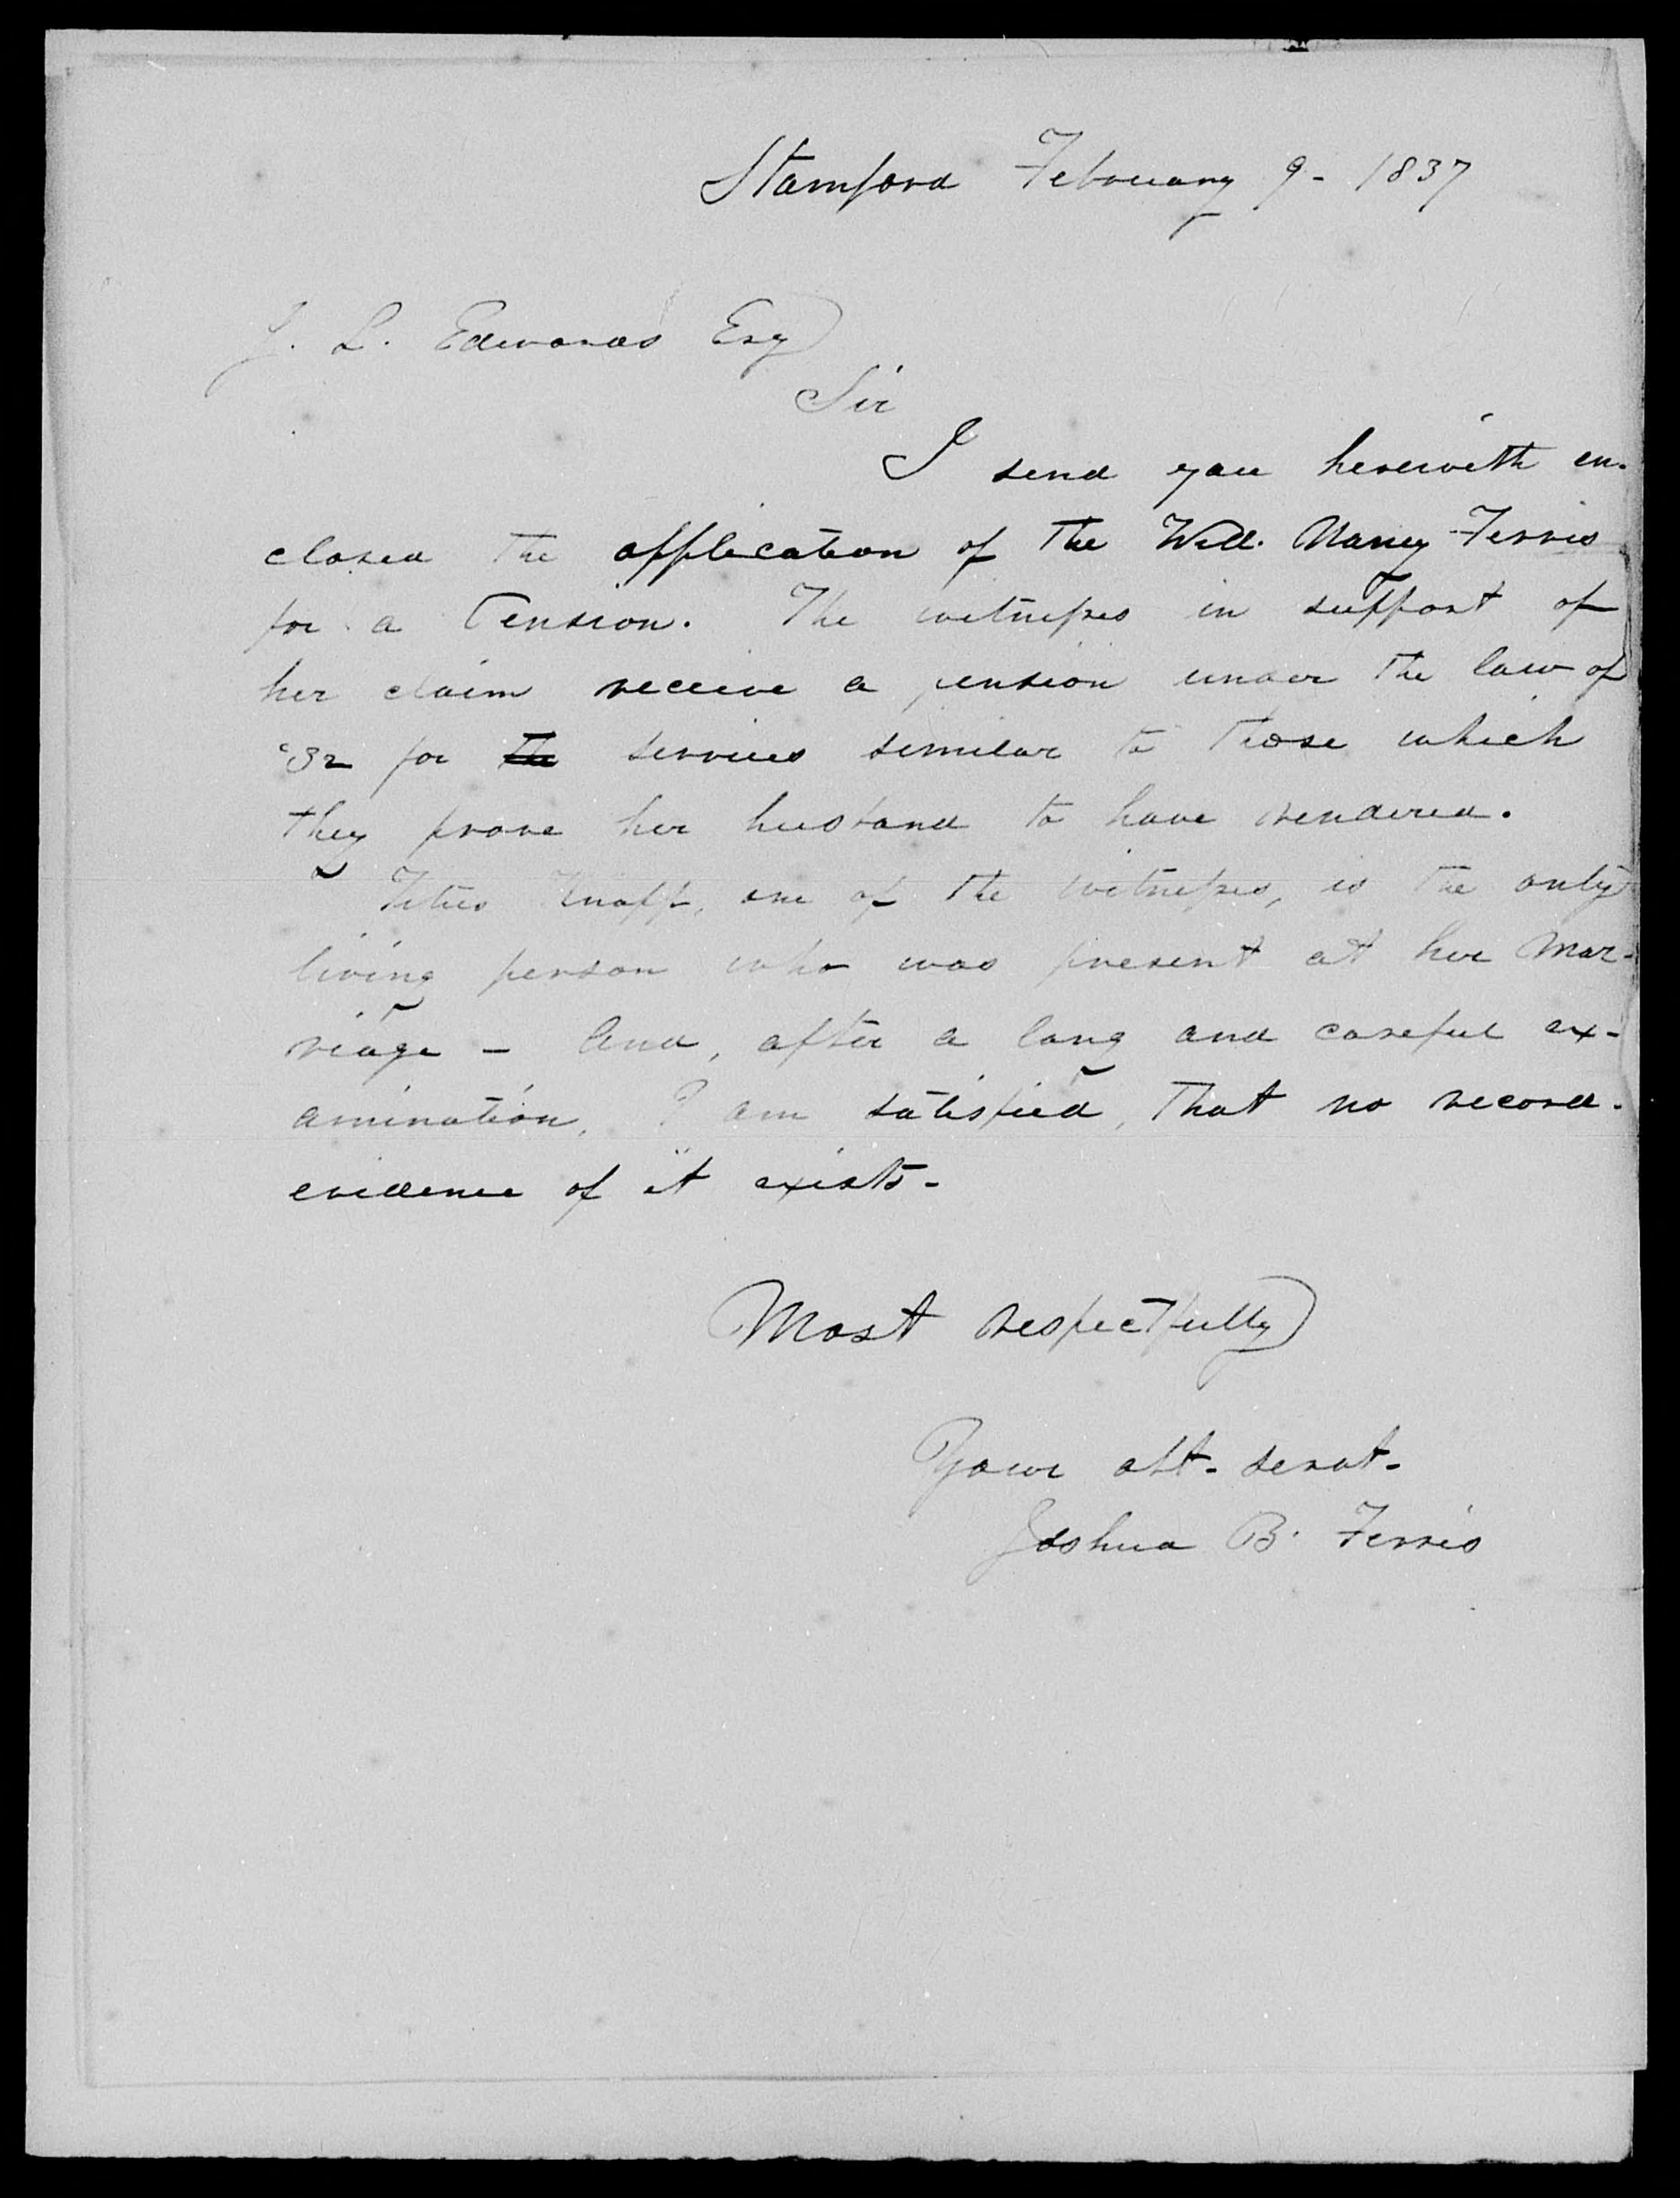Stamford February 9, 1837

J L Edwards Esq
Sir, 
I send you herewith enclosed the application of the Wid. Nancy Ferris for a pension. The witnesses in support of her claim receive a pension under the law of '32 for the services similar to those which they prove her husband to have rendered.
Titus Knapp, one of the witnesses is the only living person who was present at her marriage. And after a long and careful examination, I am satisfied that no record evidence of it exists.

Most respectfully,
Your obt servant
Joshual B. Ferris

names: Titus Knapp, Joshua B Ferris, J L Edwards, Nancy Ferris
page: 5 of 14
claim: widow's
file: W. 17897, Jeremiah Ferris, Conn.